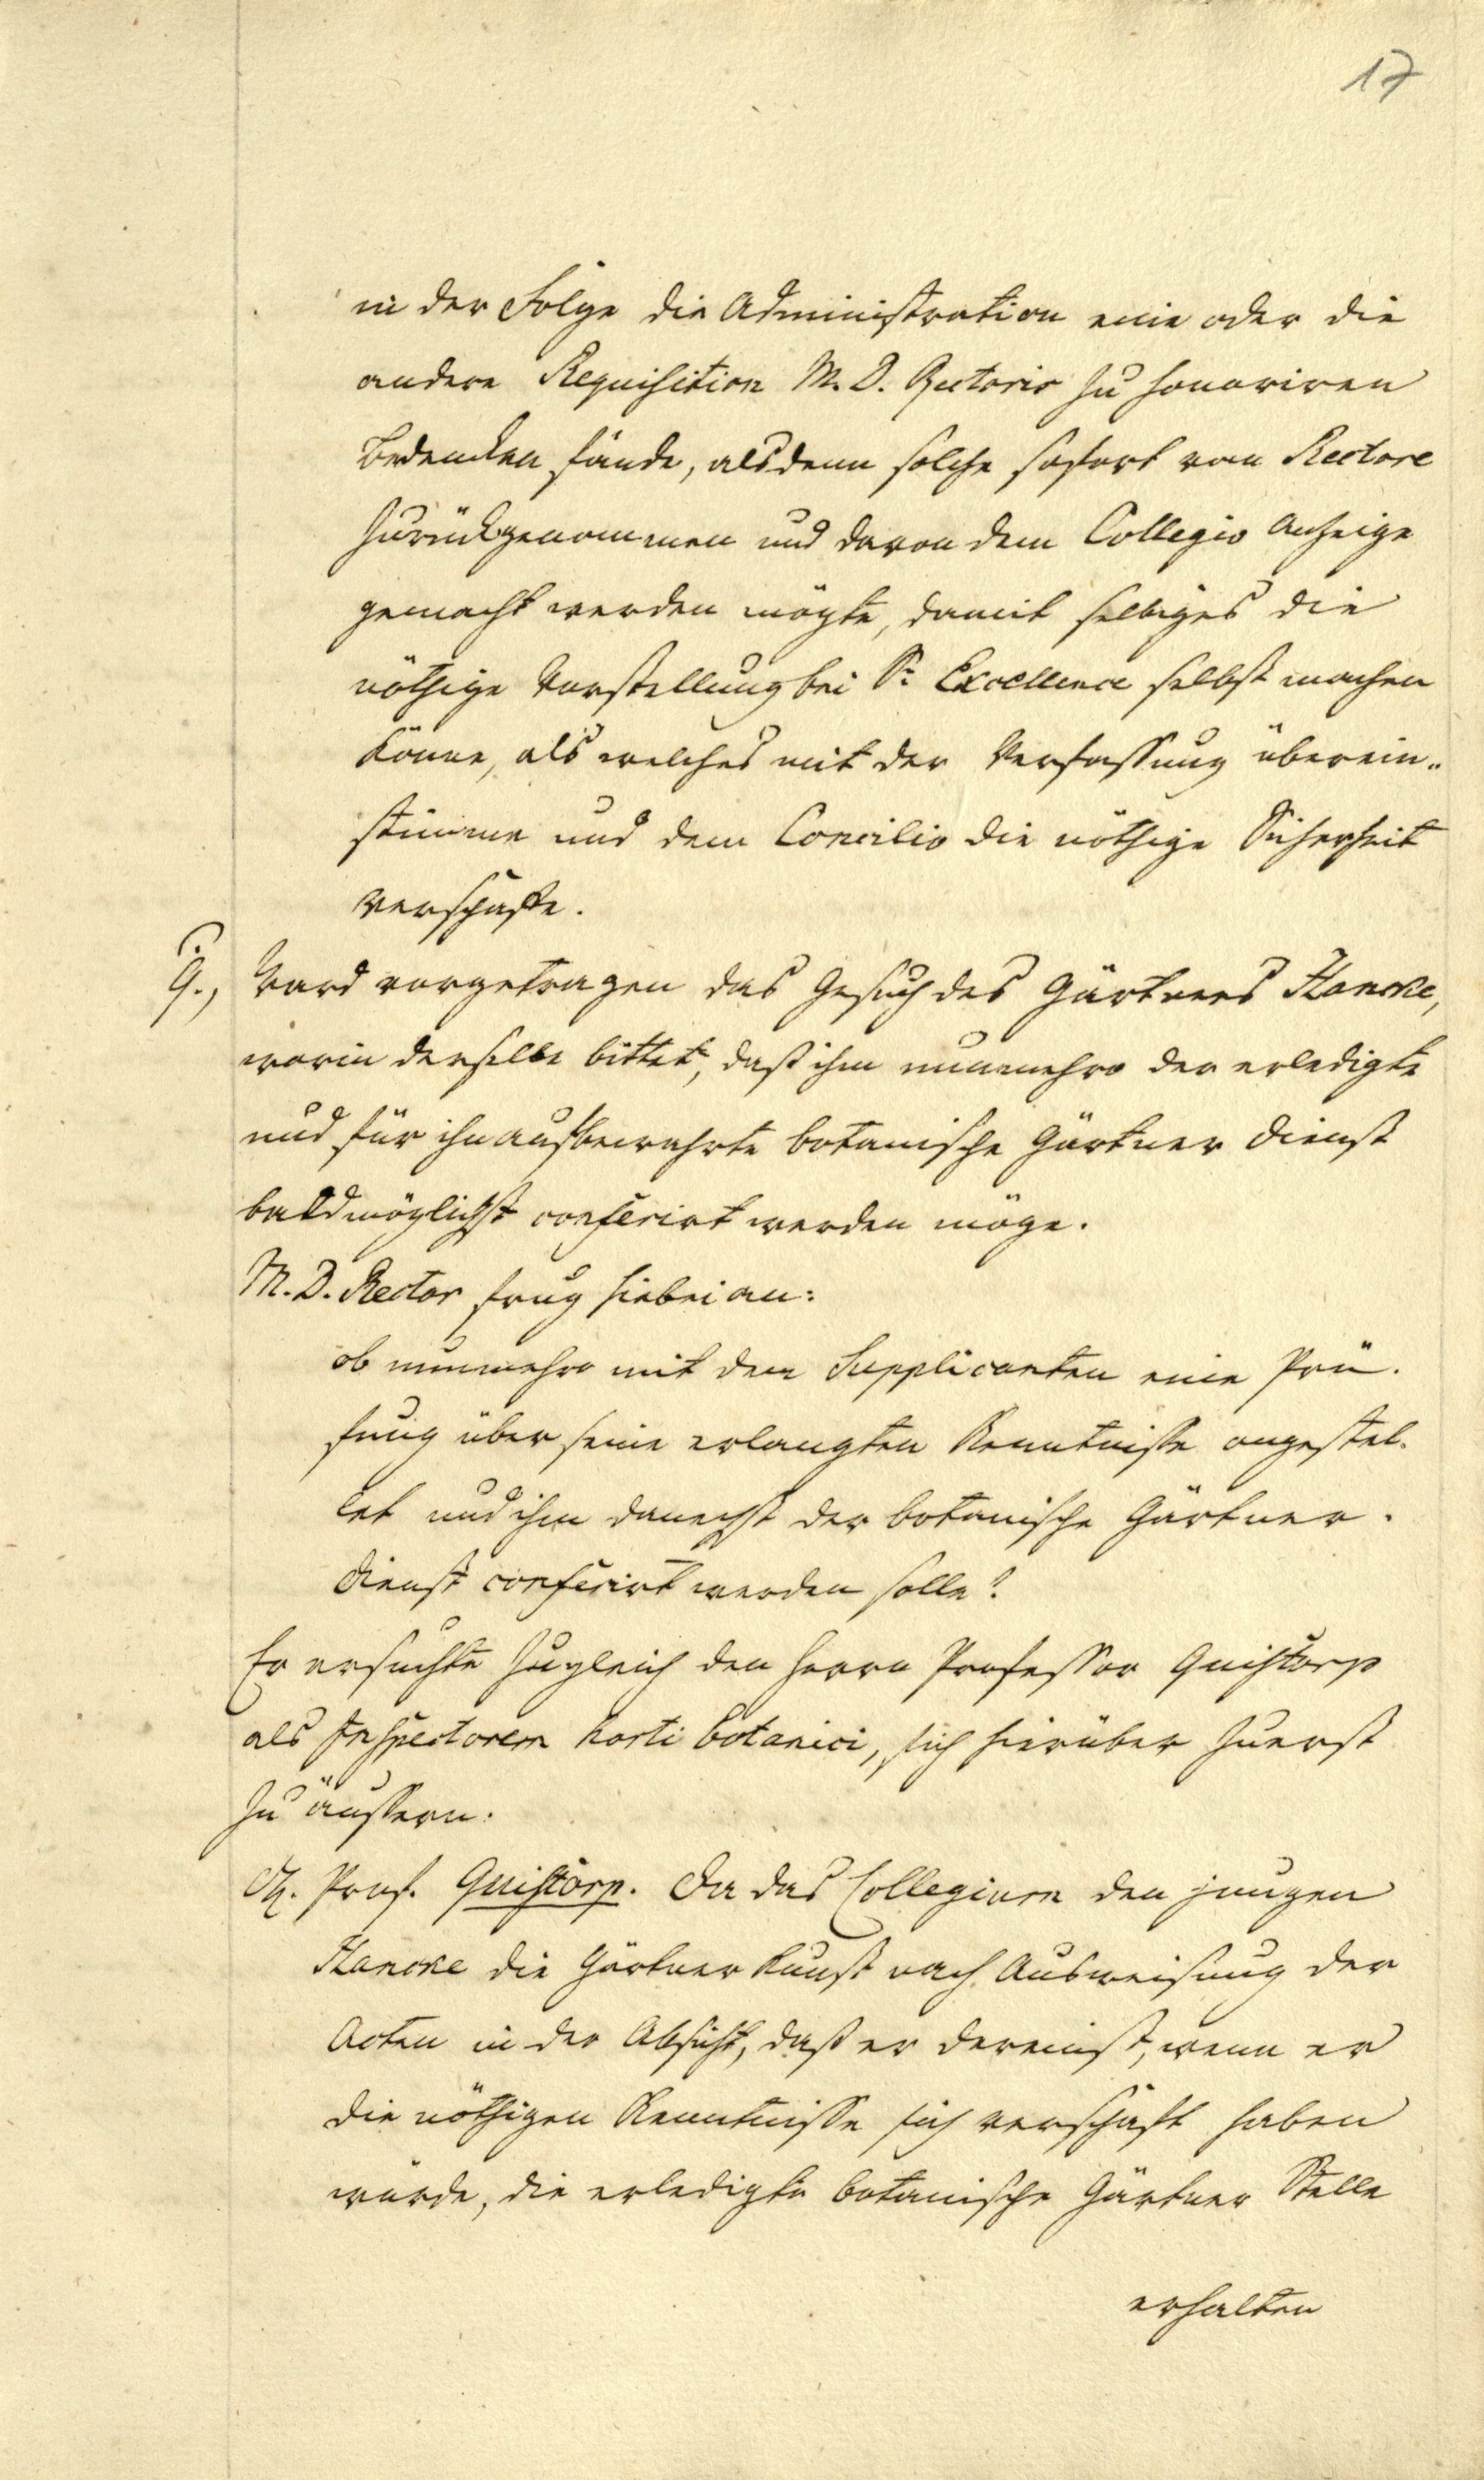in der Folge die Administration eine oder die
andere Requisition M. D. Rectoris zu honoriren
Bedencken fände, als denn solche sofort vom Rectore
zurückgenommen und davon dem Collegio Anzeige
gemacht werden mögte, damit selbiges die
nöthige Vorstellung bei Sr. Excellence selbst machen
könne, als welches mit der Verfassung überein¬
stimme und dem Concilio die nöthige Sicherheit
verschafe.
9., Ward vorgetragen das Gesuch des Gärtners Hancke
worin derselbe bittet, daß ihm nunmehro der erledigte
und für ihn aufbewahrte botanische Gärtner Dienst
baldmöglichst conferirt werden möge.
M. D. Rector frug hiebei an:
ob nunmehro mit dem Supplicanten eine Prü¬
fung über seine erlangten Kenntnisse angestel¬
let und ihm danechst der botanische Gärtner¬
Dienst conferirt werden solle?
Er ersuchte zugleich den herrn Professor Quistorp
als Inspectorem horti botanici, sich hierüber zuerst
zu äussern.
dh. Prof. Quistorp. Da das Collegium den jungen
Hancke die Gärtner Kunst nach Ausweisung der
Acten in der Absicht, daß er dereinst, wenn er
die nöthigen Kenntnisse sich verschaft haben
würde, die erledigte botanische Gärtner Stelle
erhalten